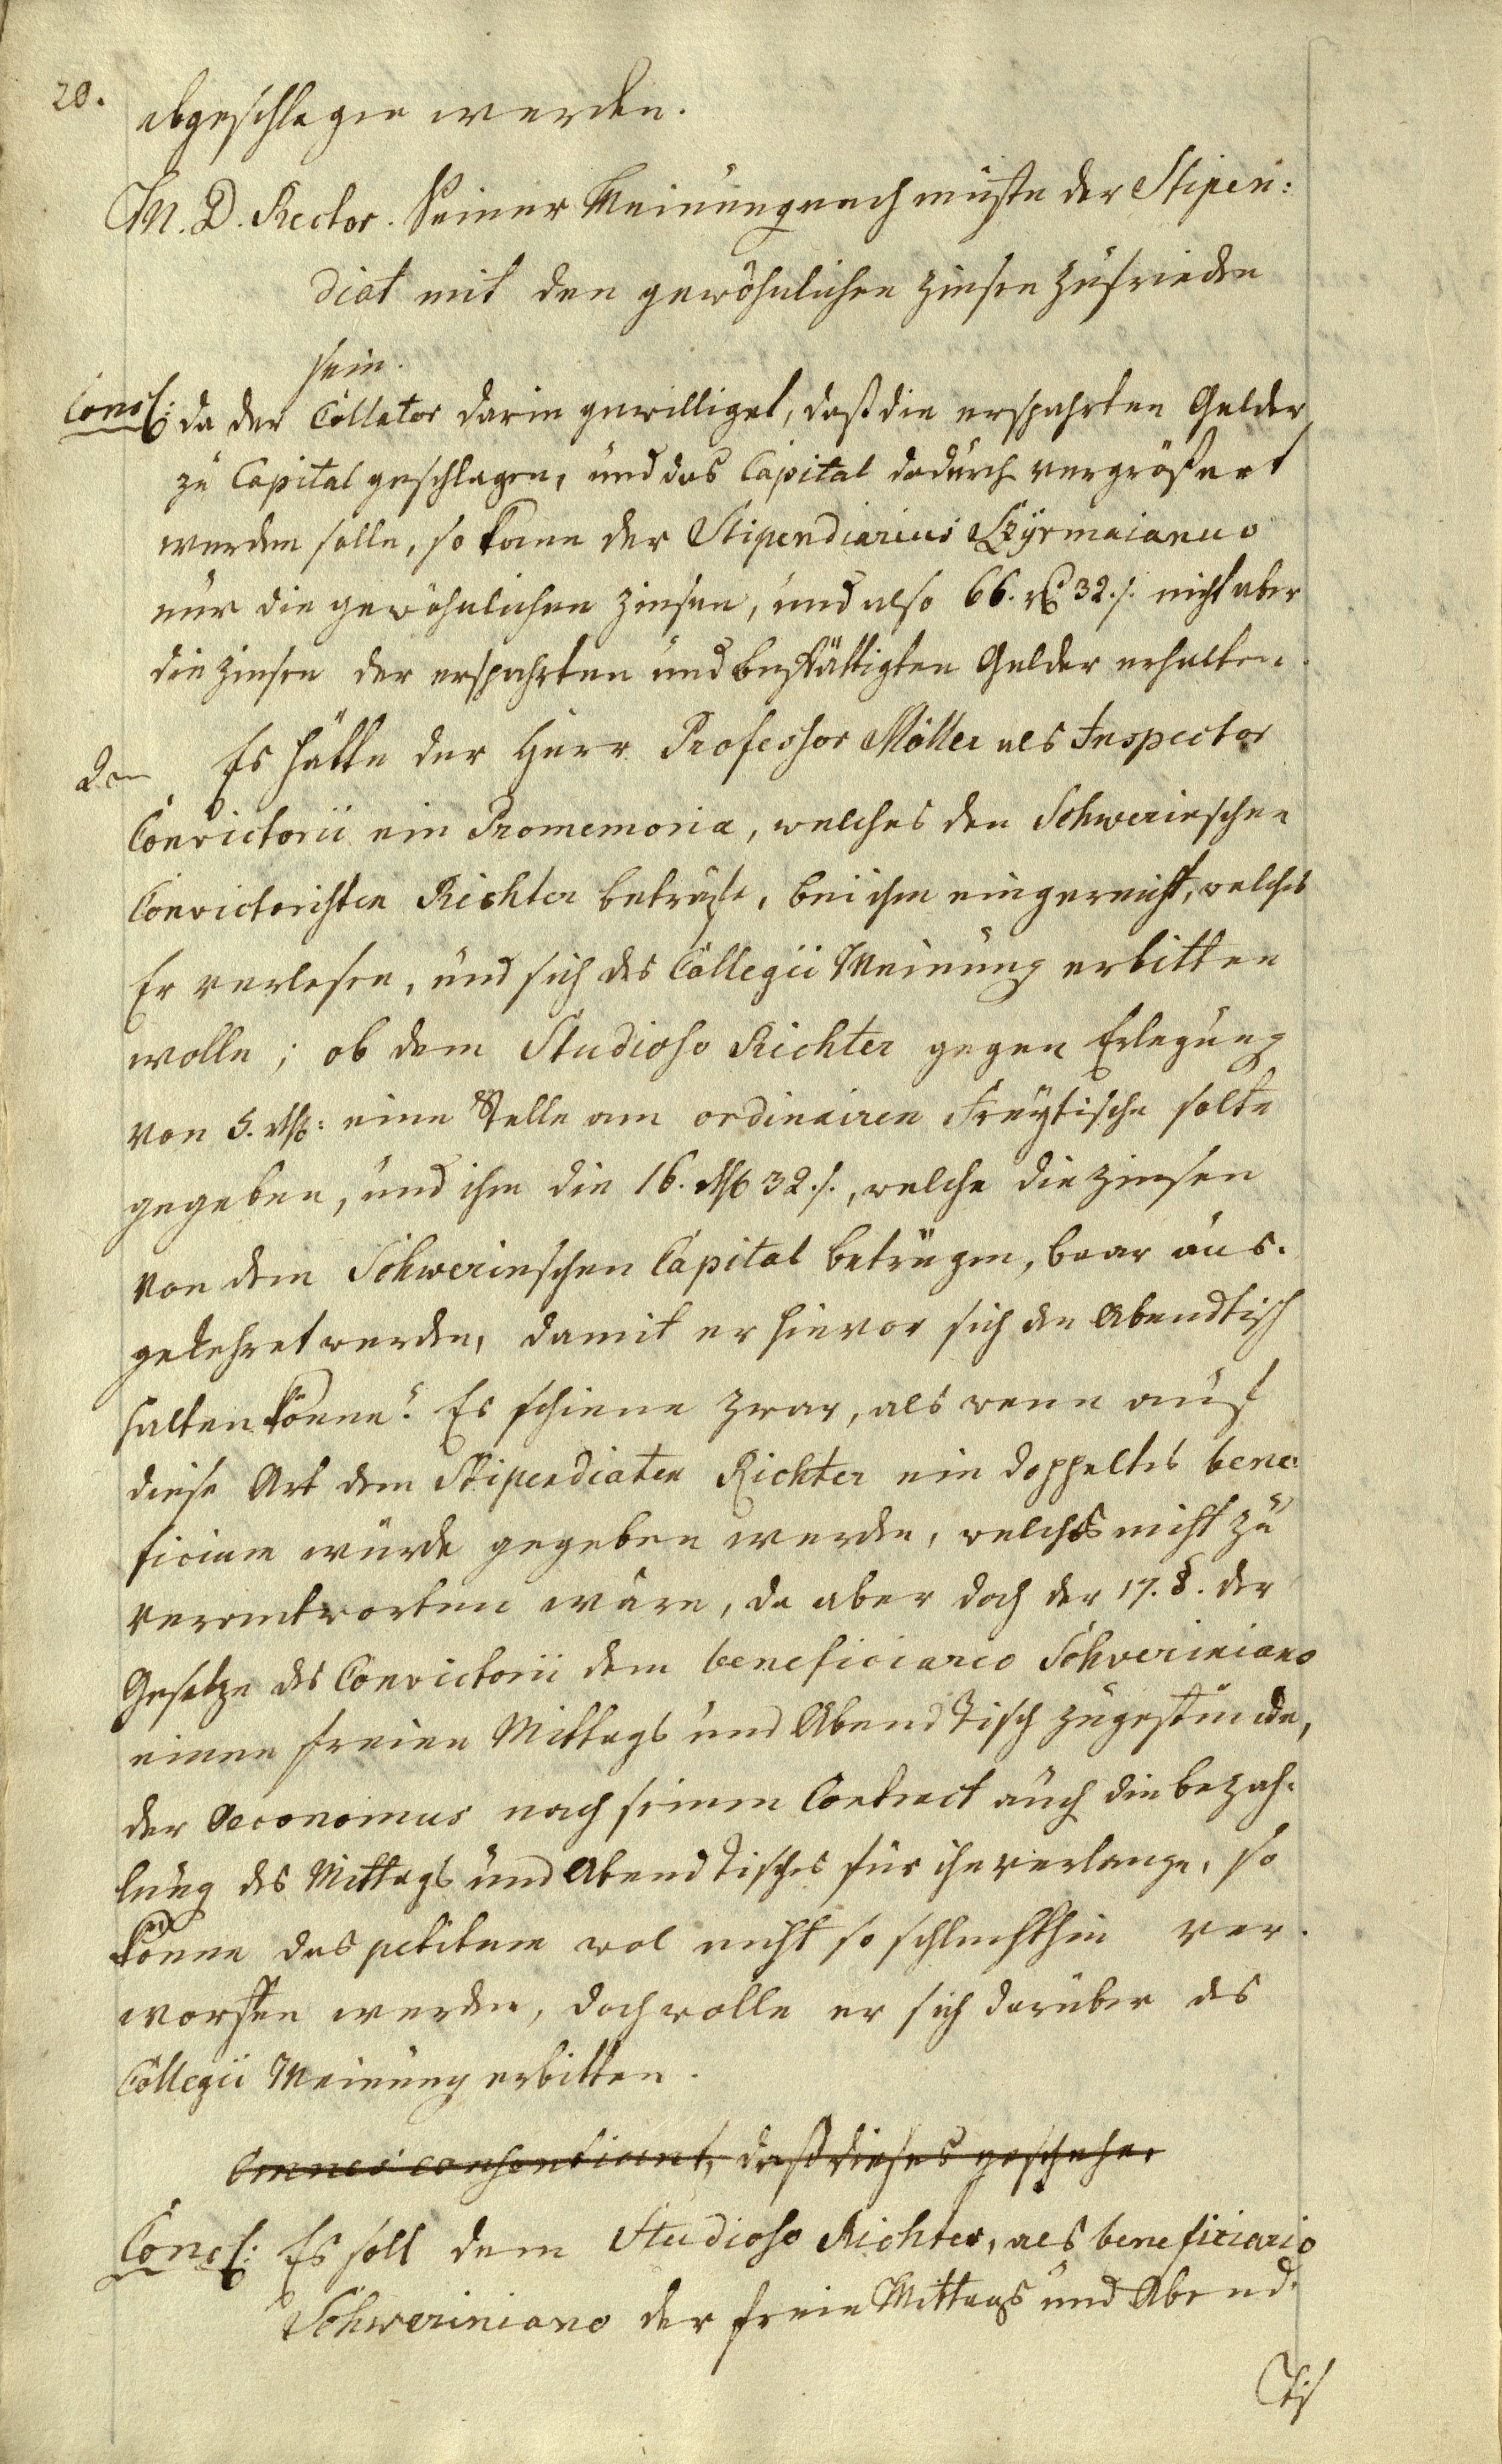abgeschlagen werden.
M. D. Rector. Seiner Meinung nach müßte der Stipen¬
diat mit den gewöhlichen Zinsen zufrieden
sein.
Concl: da der Collator darin gewilliget, daß die erspahrten Gelder
zu Capital geschlagen, und das Capital dadurch vergrößert
werden solle, so kann der Stipendiarius Szÿrmaianus
nur die gewöhnlichen Zinsen, und also 66. r 32.s. nicht aber
die Zinsen der erspahrten und bestättigten Gelder erhalten.
2. Es hätte der Herr Professor Möller als Inspector
Convictorii ein Promemoria, welches den Schwerinschen
Convictoristen Richter beträfe, bei ihm eingereicht, welches
Er verlesen, und sich des Collegii Meinung erbitten
wolle; ob dem Studioso Richter gegen Erlegung
von 5 rtl. eine Stelle am ordinairen Freÿtische solte
gegeben, und ihm die 16 r: 32. s., welche die Zinsen
von dem Schwerinschen Capital betrügen, baar aus¬
gekehret werden, damit er hievor sich den Abendtisch
halten könne? Es schiene zwar, als wenn auf
diese Art dem Stipendiaten Richter ein doppeltes bene¬
ficium würde gegeben werden, welches nicht zu
verantworten wäre, da aber doch der 17.§. der
Gesetze des Convictorii dem beneficiario Schveriniano
einen freien Mittags und Abend Tisch zugestunde,
der Oeconomus nach seinen Contract auch die bezah¬
lung des Mittags und Abend Tisches für ihn verlange, so
könne das petitum wol nicht so schlechthin ver¬
worfen werden, doch wolle er sich darüber des
Collegii Meinung erbitten.
Omnes consentiunt, daß dieses geschehe.
Concl. Es soll dem Studioso Richter als beneficiario
Schweriniano der freie Mittags und Abend
Tisch